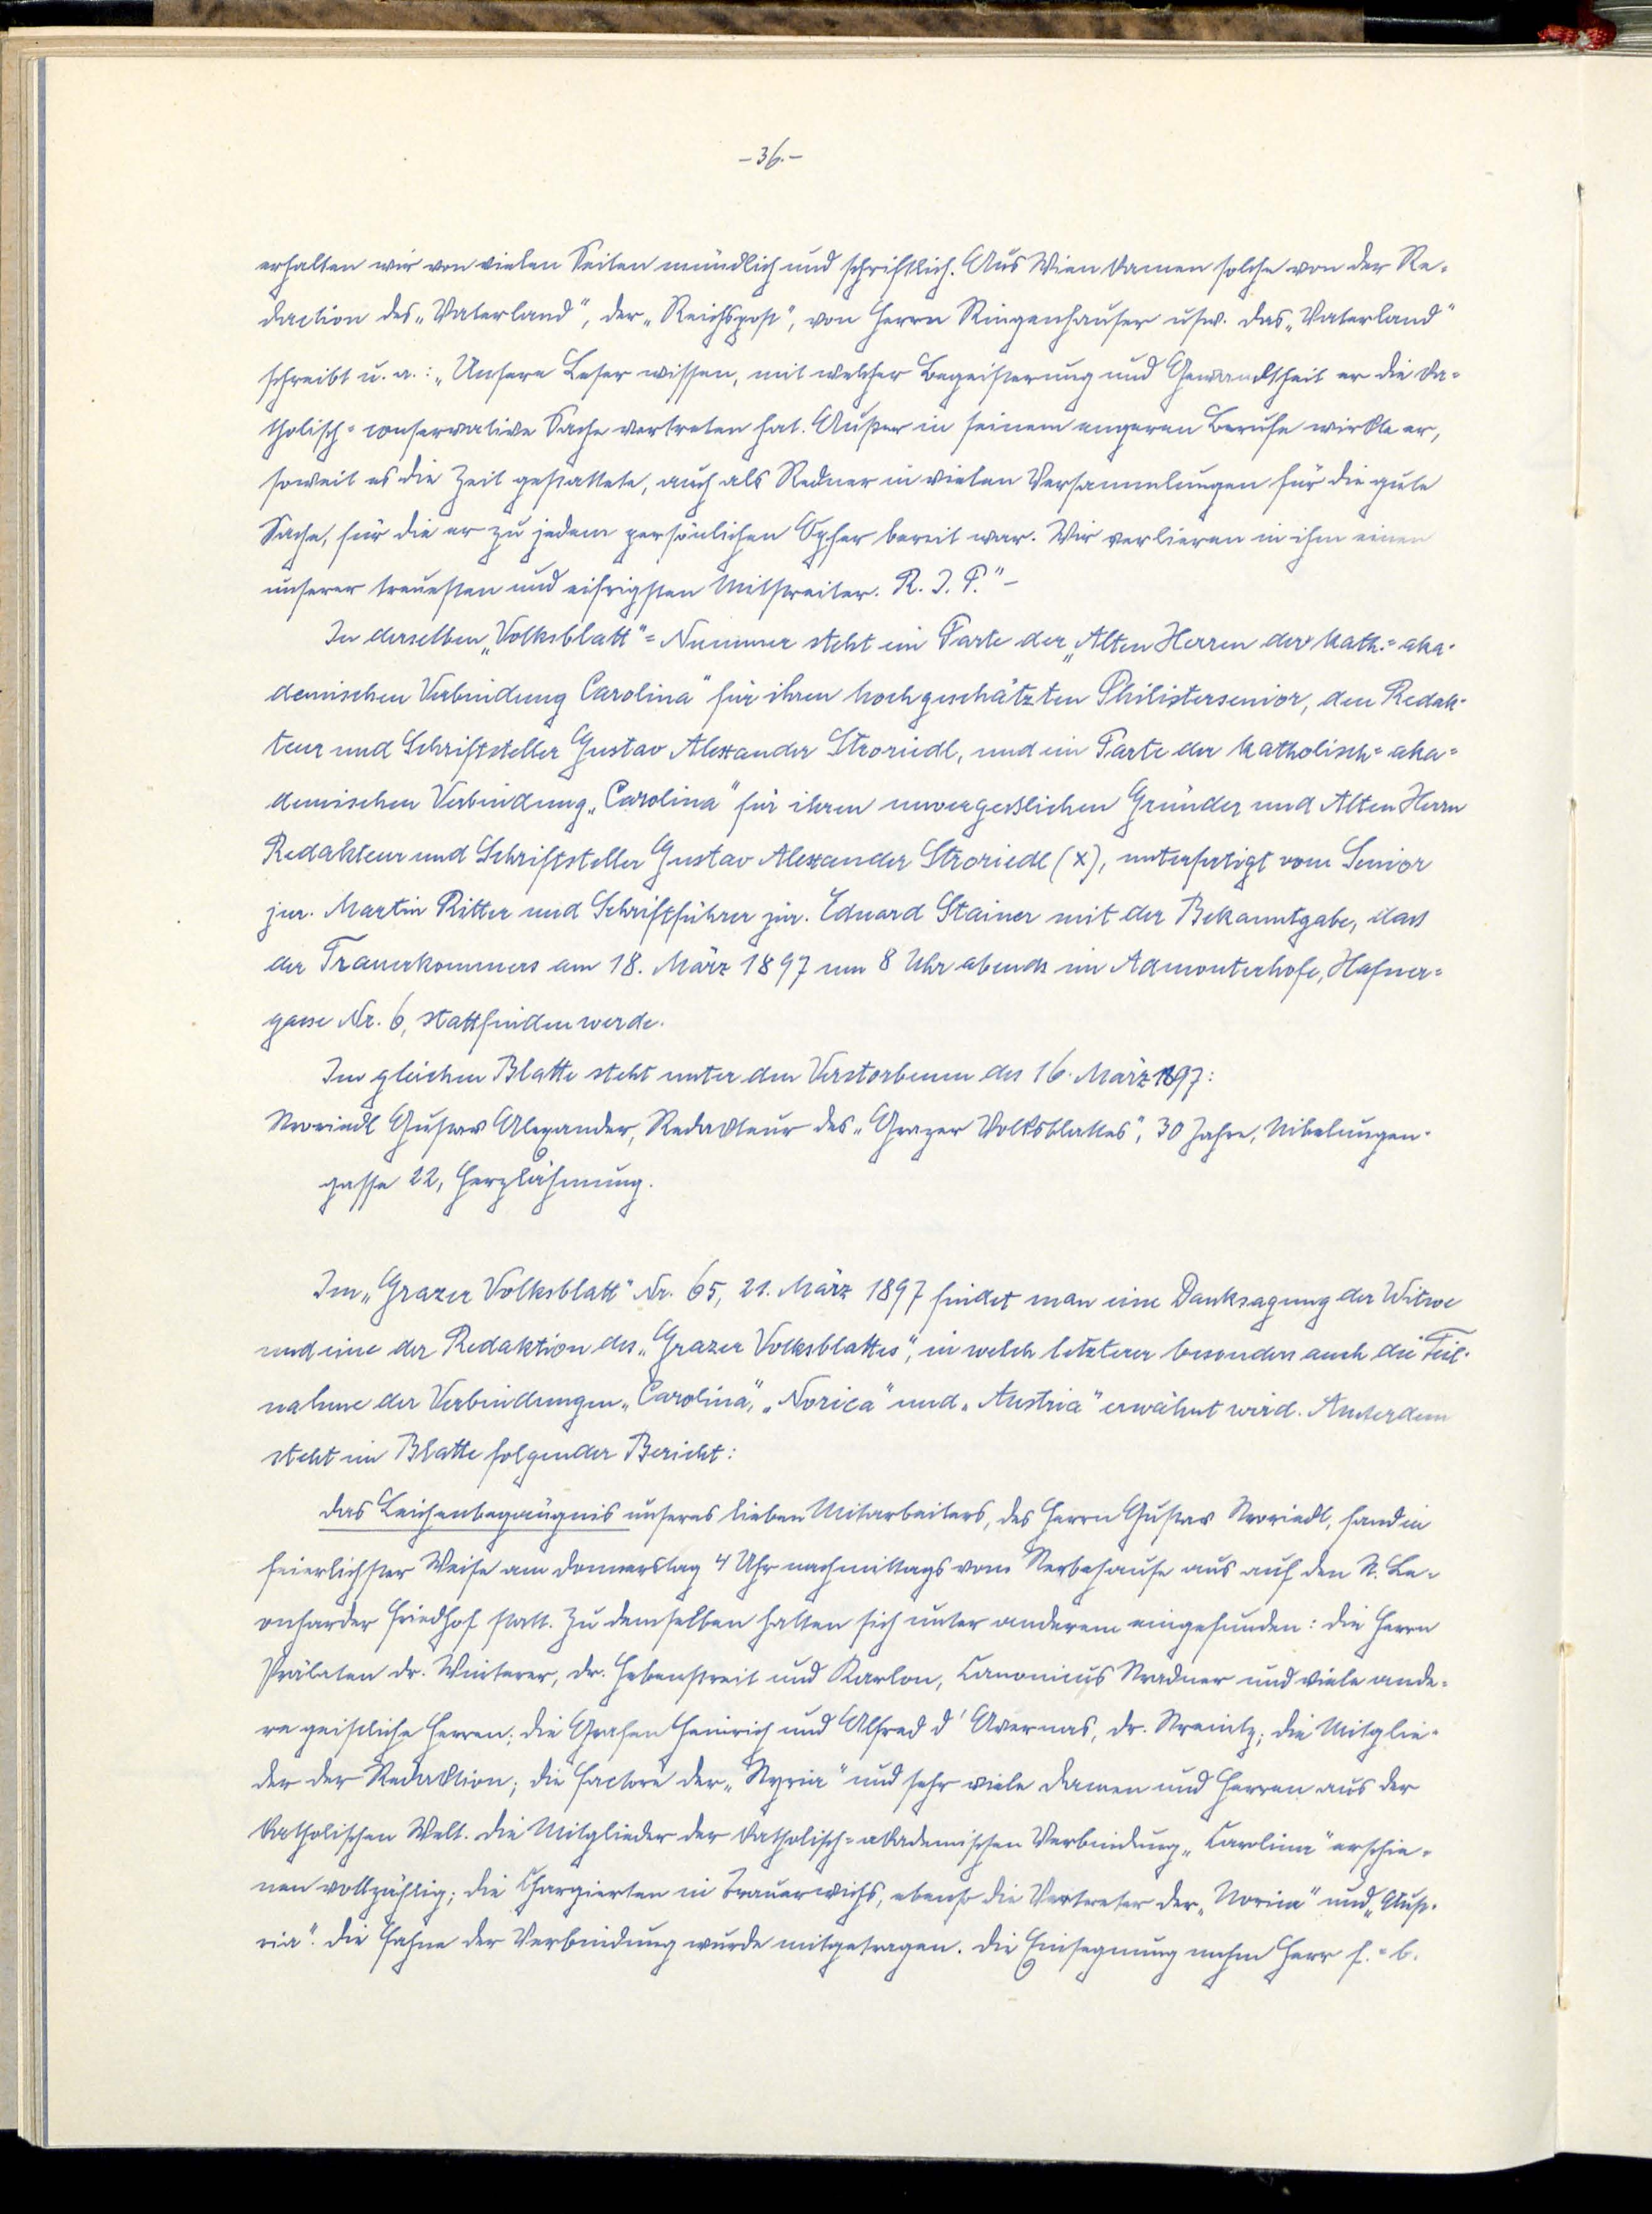36.
erhalten wir von vielen Seite mündlich und schriftlich. Aus Wien kamen solche von der Re-
daction des „Vaterland“, der „Reichspost", von Herrn Ringenhauser usw. Das „Vaterland"
schreibt u. a.: „Unsere Lesern wissen, mit welcher Begeisterung und Gewandtheit er die ka-
tholisch-conservative Sache vertreten hat. Außer in seinem anderen Beruf wirkte er,
soweit es die Zeit gestattet, auch als Redner in vielen Versammlungen für die gute
Sache, für die er zu jedem persönlichen Opfer bereit war. Wir verlieren in ihm einen
unserer treuesten und eifrigsten Mitstreiter. R.I.P."-
In derselben "Volksblatt" - Nummer steht ein Parte der "Alten Herren der kath.- aka-
demischen Verbindung Carolina" für ihren hochgeschätzten Philistersenior, den Reda-
teur und Schriftsteller Gustav Alexander Stroriedl, und ein Parte der katholisch-aka-
demischen Verbindung „Carolina“ für ihren unvergeßlichen Gründer und Alten Herrn
Redakteur und Schriftsteller Gustav Alexander Stroriedl (x) unterfertigt von Senior
jur. Martin Ritter und Schriftführer jur. Eduard Stainer mit der Bekanntgabe, dass
der Trauerkommers am 18. März 1897 um 8 Uhr abends im Admonterhofe, Hafner-
gasse Nr. 6 stattfinden werde.
Im gleiche Blatte steht unter den Verstorbenen des 16. März 1897:
Stroriedl Gustav Alexander, Redakteur des „Grazer Volksblattes", 30 Jahre, Nibelungen-
gasse 22, Herzlähmung.
Im "Grazer Volksblatt" Nr. 65, 21. März 1897 findet man eine Danksagung der Witwe
und eine der Redaktion des „Grazer Volksblattes“, in welch letzterer besonders auch die Teil-
nahme der Verbindungen "Carolina", "Norica“ und "Austria" erwähnt wird. Außerdem
steht im Blatte folgender Bericht:
Das Leichenbegängnis unseres lieben Mitarbeiters, des Herrn Gustav Stroriedl, fand in
feierlichster Weise am Donnerstag 4 Uhr nachmittag vom Sterbehause aus auf den St. Le-
onharder Friedhof statt. Zu demselben hatten sich unter anderem eingefunden: Die Herrn
Prälaten Dr. Winterer, Dr. Hebenstreit und Karlon, Canonicus Stradner und viele ande-
re geistliche Herren; die Grafen Heinrich und Alfred d' Avernas, Dr. Streintz; die Mitglie-
der der Redaktion; die Factorn der "Styria" und sehr viele Damen und Herren aus der
katholischen Welt. Die Mitglieder der katholisch- akademischen Verbindung "Carolina" erschien-
nen vollzählig; die Chargierten in Trauerwichs, ebenso die Vertreter der „Norica" und "Aus-
ria". Die Fahne der Verbindung wurde mitgetragen. Die Einsegnung nahm Herr f.-b.